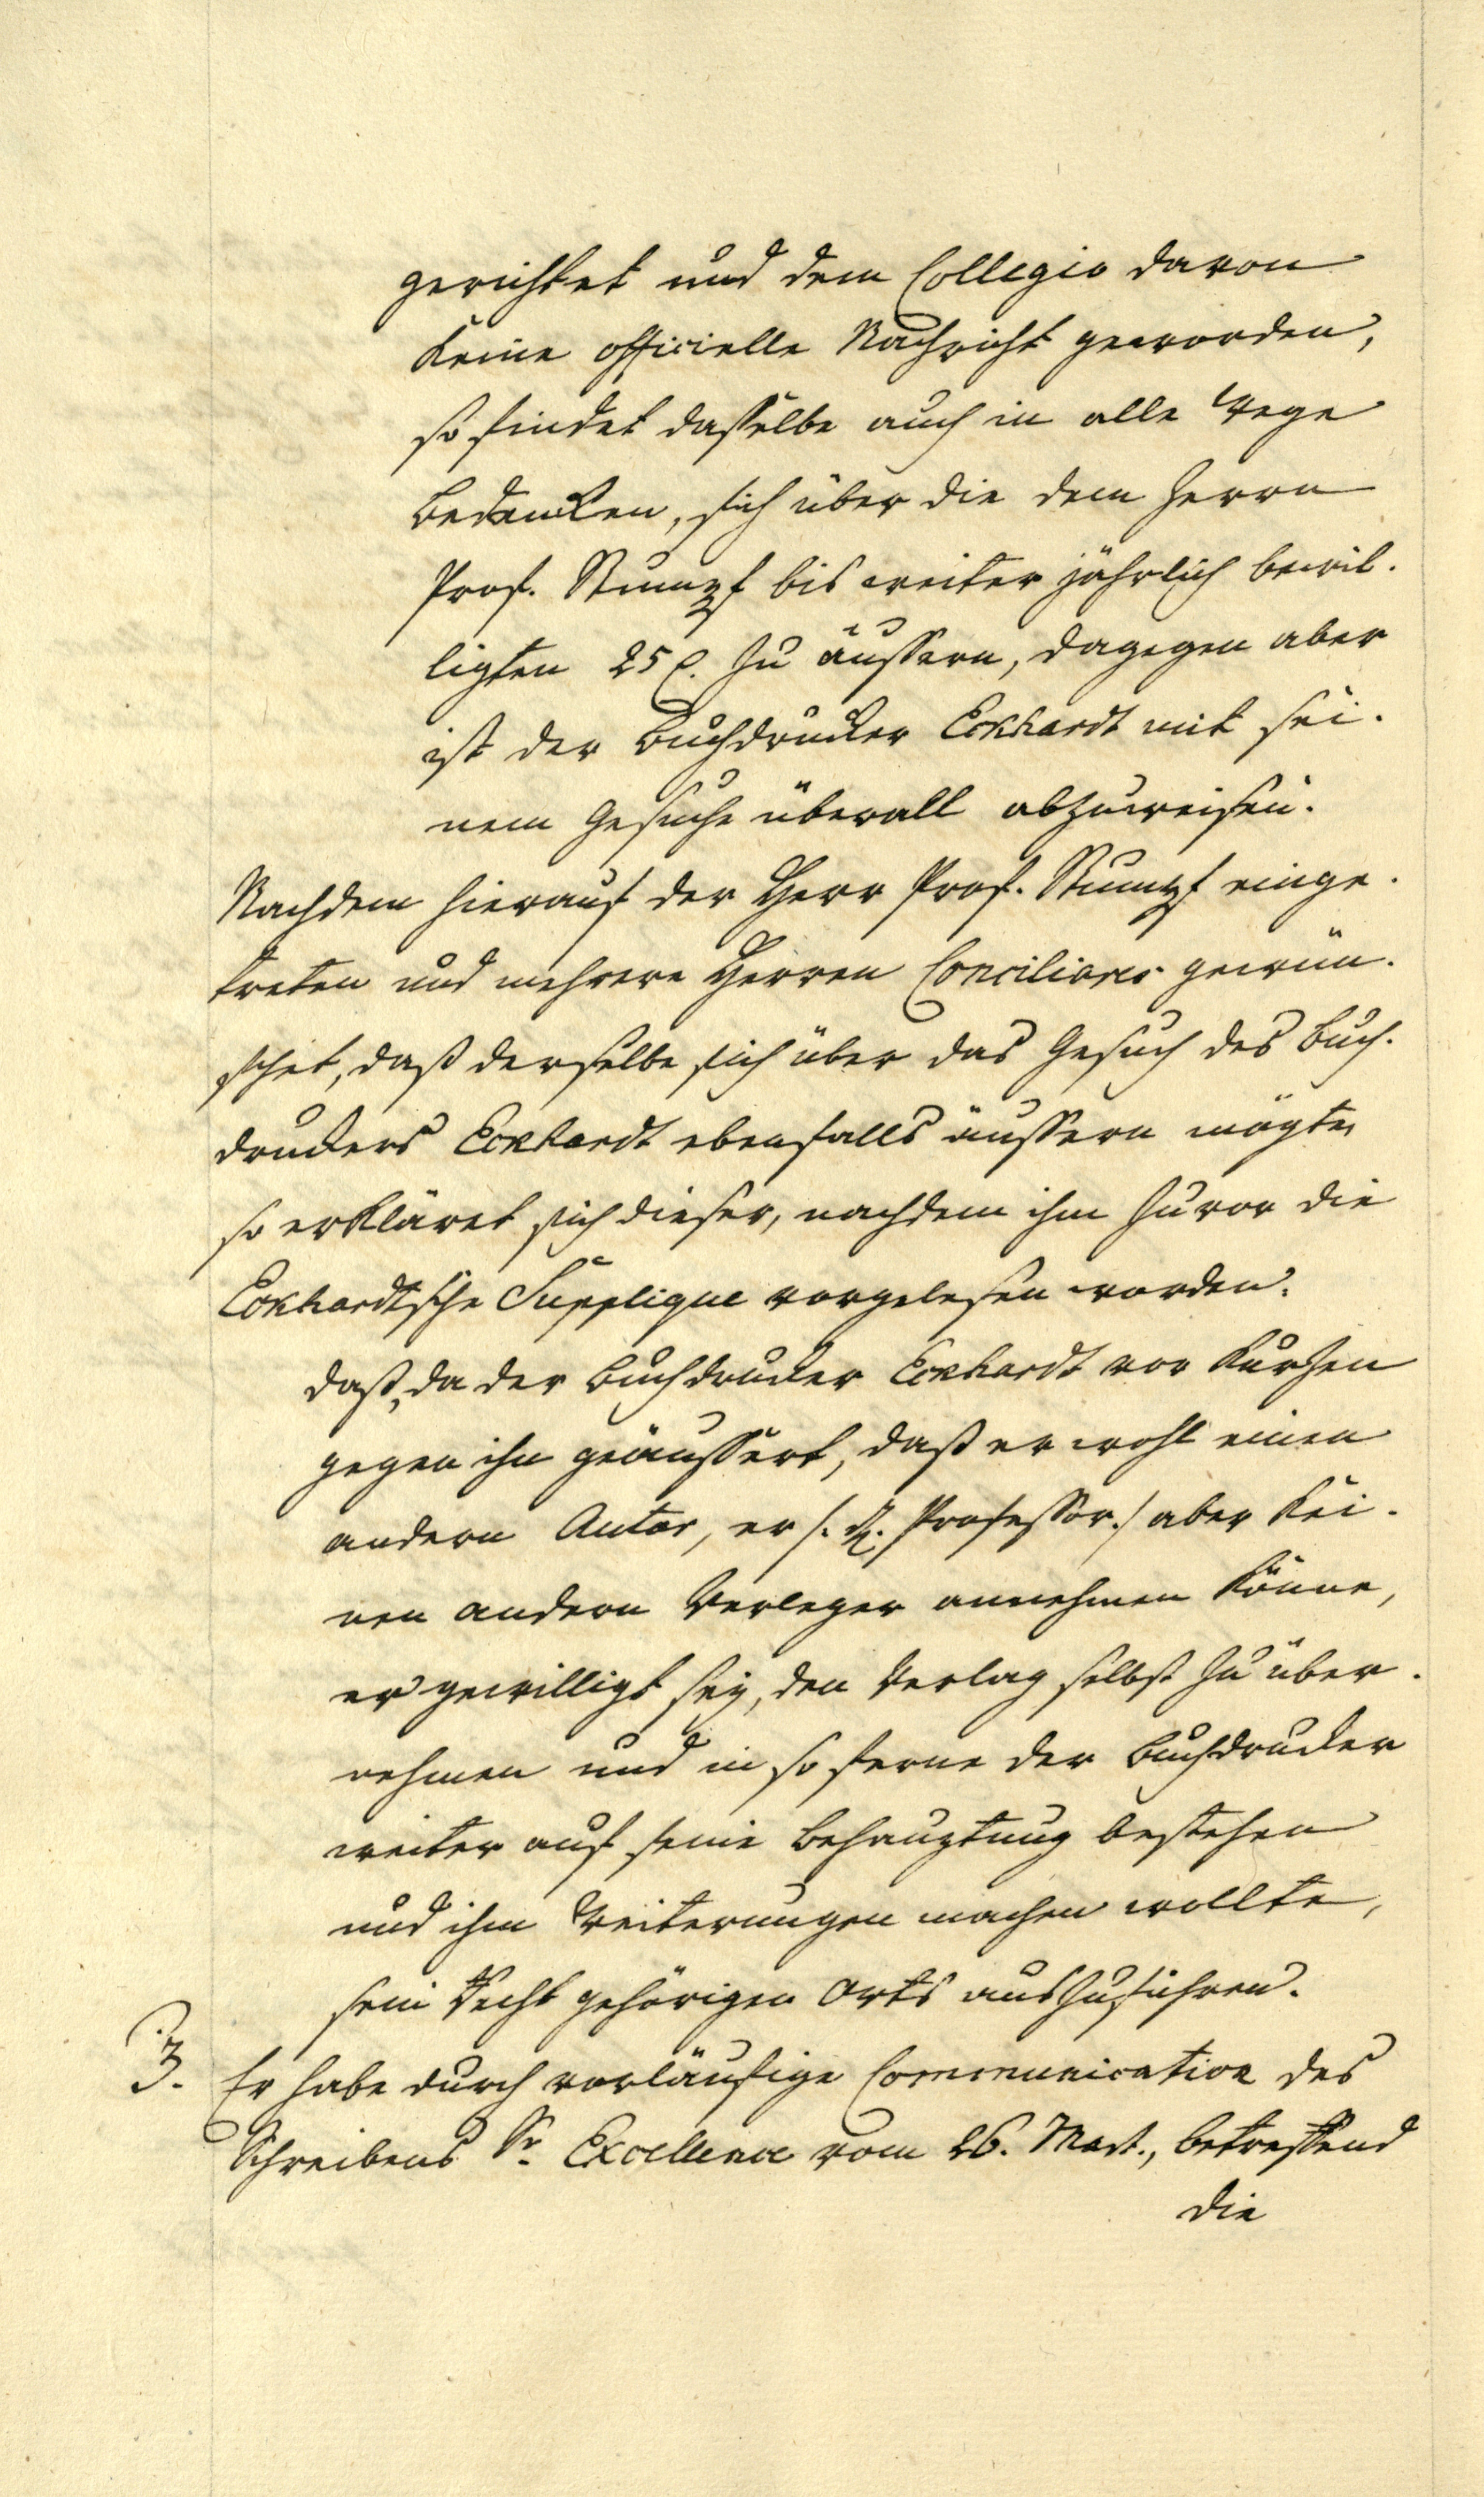gerichtet und dem Collegio davon
keine officielle Nachricht geworden,
so findet dasselbe auch in alle Wege
Bedencken, sich über die dem Herrn
Prof. Stumpf bis weiter jährlich bewil¬
ligten 25 l. zu äussern, dagegen aber
ist der Buchdrucker Eckhardt mit sei¬
nem Gesuche überall abzuweisen.
Nachdem hierauf der Herr Prof. Stumpf einge¬
treten und mehrere Herren Conciliares gewün¬
schet, daß derselbe sich über das Gesuch des Buch¬
druckers Eckhardt ebenfalls äussern mögte,
so erkläret sich dieser, nachdem ihm zuvor die
Eckhardtsche Supplique vorgelesen worden:
daß, da der Buchdrucker Eckhardt vor kurzen
gegen ihn geäussert, daß er wohl einen
andern Autor, er /:dh. Professor./ aber kei¬
nen andern Verleger annehmen könne,
er gewilligt seÿ, den Verlag selbst zu über¬
nehmen und in so ferne der Buchdrucker
weiter auf seine Behauptung bestehen
und ihm Weiterungen machen wollte,
sein Recht gehörigen Orts auszuführen.
3. Er habe durch vorläufige Communication des
Schreibens Sr Excellence vom 26. Mart., betreffend
die